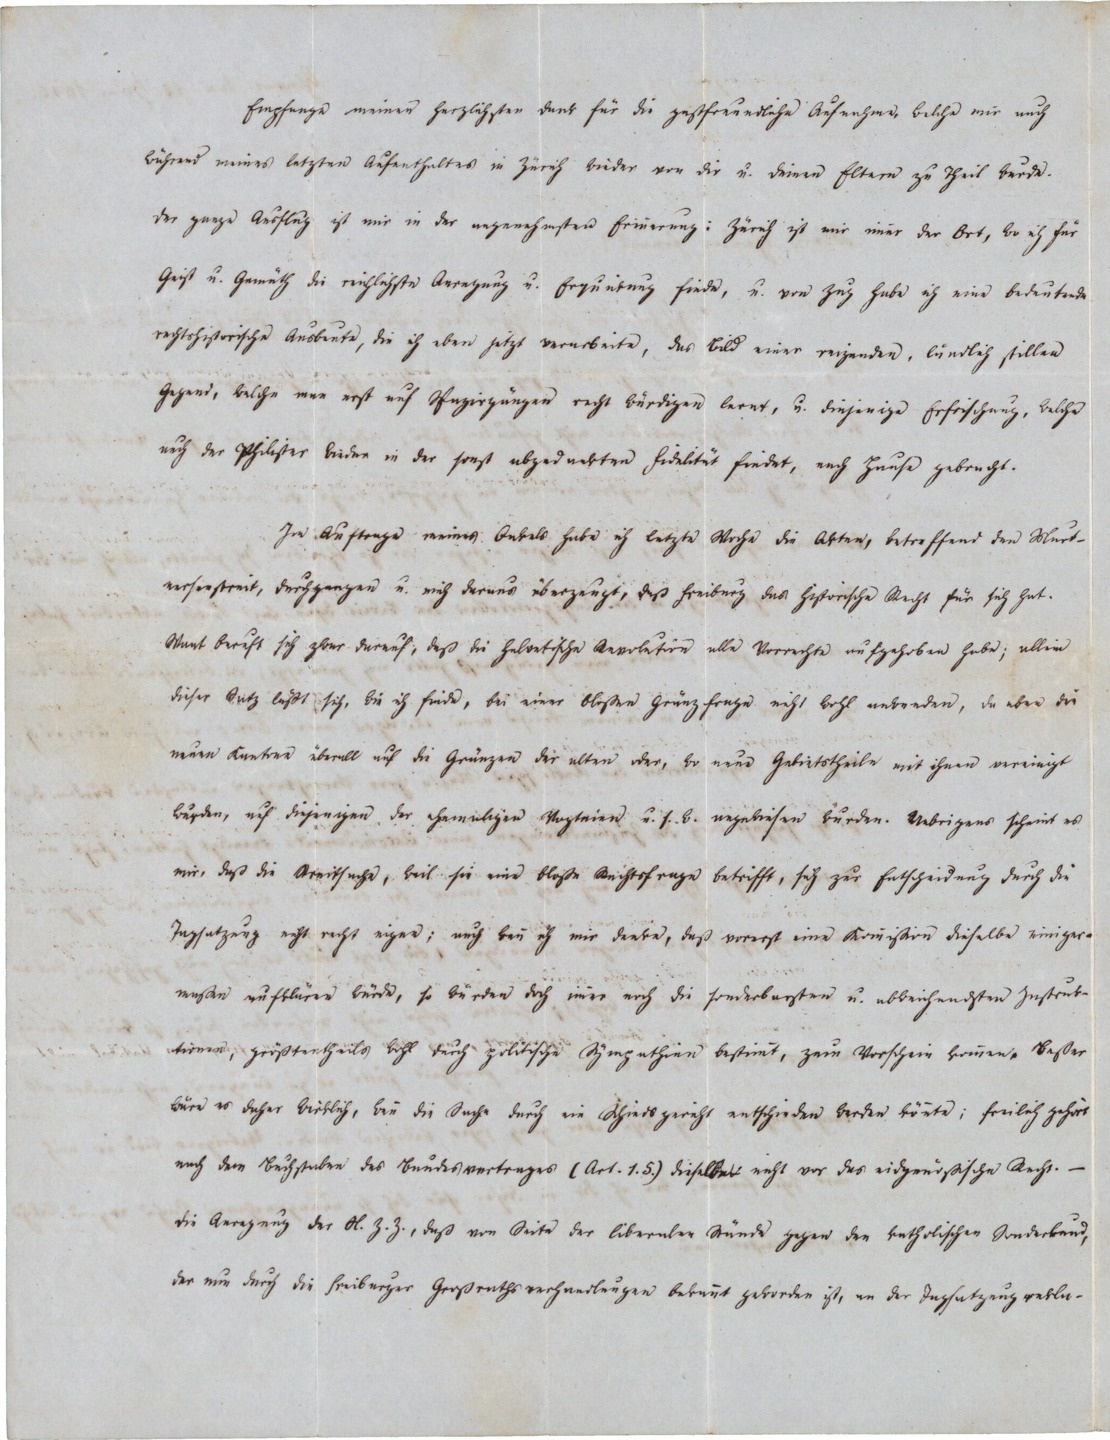Empfange meinen herzlichsten Dank für die gastfreundliche Aufnahme, welche mir auch
während meines letzten Aufenthaltes in Zürich wieder von dir u.deinen Eltern zu Theil wurde.
Der ganze Ausflug ist mir in der angenehmsten Erinnerung: Zürich ist mir immer der Ort, wo ich für
Geist u. Gemüth die reichlichste Anregung u. Erquickung finde, u. von Zug habe ich eine bedeutende
rechtshistorische Ausbeute, die ich eben jetzt verarbeite, das Bild einer reizenden, ländlich stillen
Gegend, welche man erst auf Spazirgängen recht würdigen lernt, u. diejenige Erfrischung, welche
auch der Philister wieder in der sonst abgedankten Fidelität findet, nach Hause gebracht.
Im Auftrage meines Onkels habe ich letzte Woche die Akten, betreffend den Murt-
nerseestreit, durchgangen u. mich daraus überzeugt, daß Freiburg das historische Recht für sich hat.
Waat beruft sich zwar darauf, daß die hevetische Revolution alle Vorrechte aufgehoben habe; allein
dieser Satz läßt sich, wie ich finde, bei einer bloßen Gränzfrage nicht wohl anwenden, da eben die
neuen Kantone überall auf die Gränzen der alten oder, wo neue Gebietstheile mit ihnen vereinigt
wurden, auf diejenigen der ehemaligen Vogteien u. s. w. angewiesen wurden. Uebrigens scheint es
mir, daß die Streitsache, weil sie eine bloße Rechtsfrage betrifft, sich zur Entscheidung durch die
Tagsatzung nicht recht eigne; auch wenn ich mir denke, daß vorerst eine Kommission dieselbe einiger-
maßen aufklären würde, so würden doch immer noch die sonderbarsten u. abweichendsten Instruk-
tionen, größtentheils wohl durch politische Sympathien bestimmt, zum Vorschein kommen. Besser
wäre es daher wirklich, wenn die Sache durch ein Schiedsgericht entschieden werden könnte; freilich gehört
nach dem Buchstaben des Bundesvertrages (Art. 1.5.) dieselbe nicht vor das eidgenössische Recht. –
Die Anregung der N.Z.Z., daß von Seite der liberalen Stände gegen den katholischen Sonderbund,
der nun durch die Freiburger Großrathsverhandlungen bekannt geworden ist, an der Tagsatzung rekla-